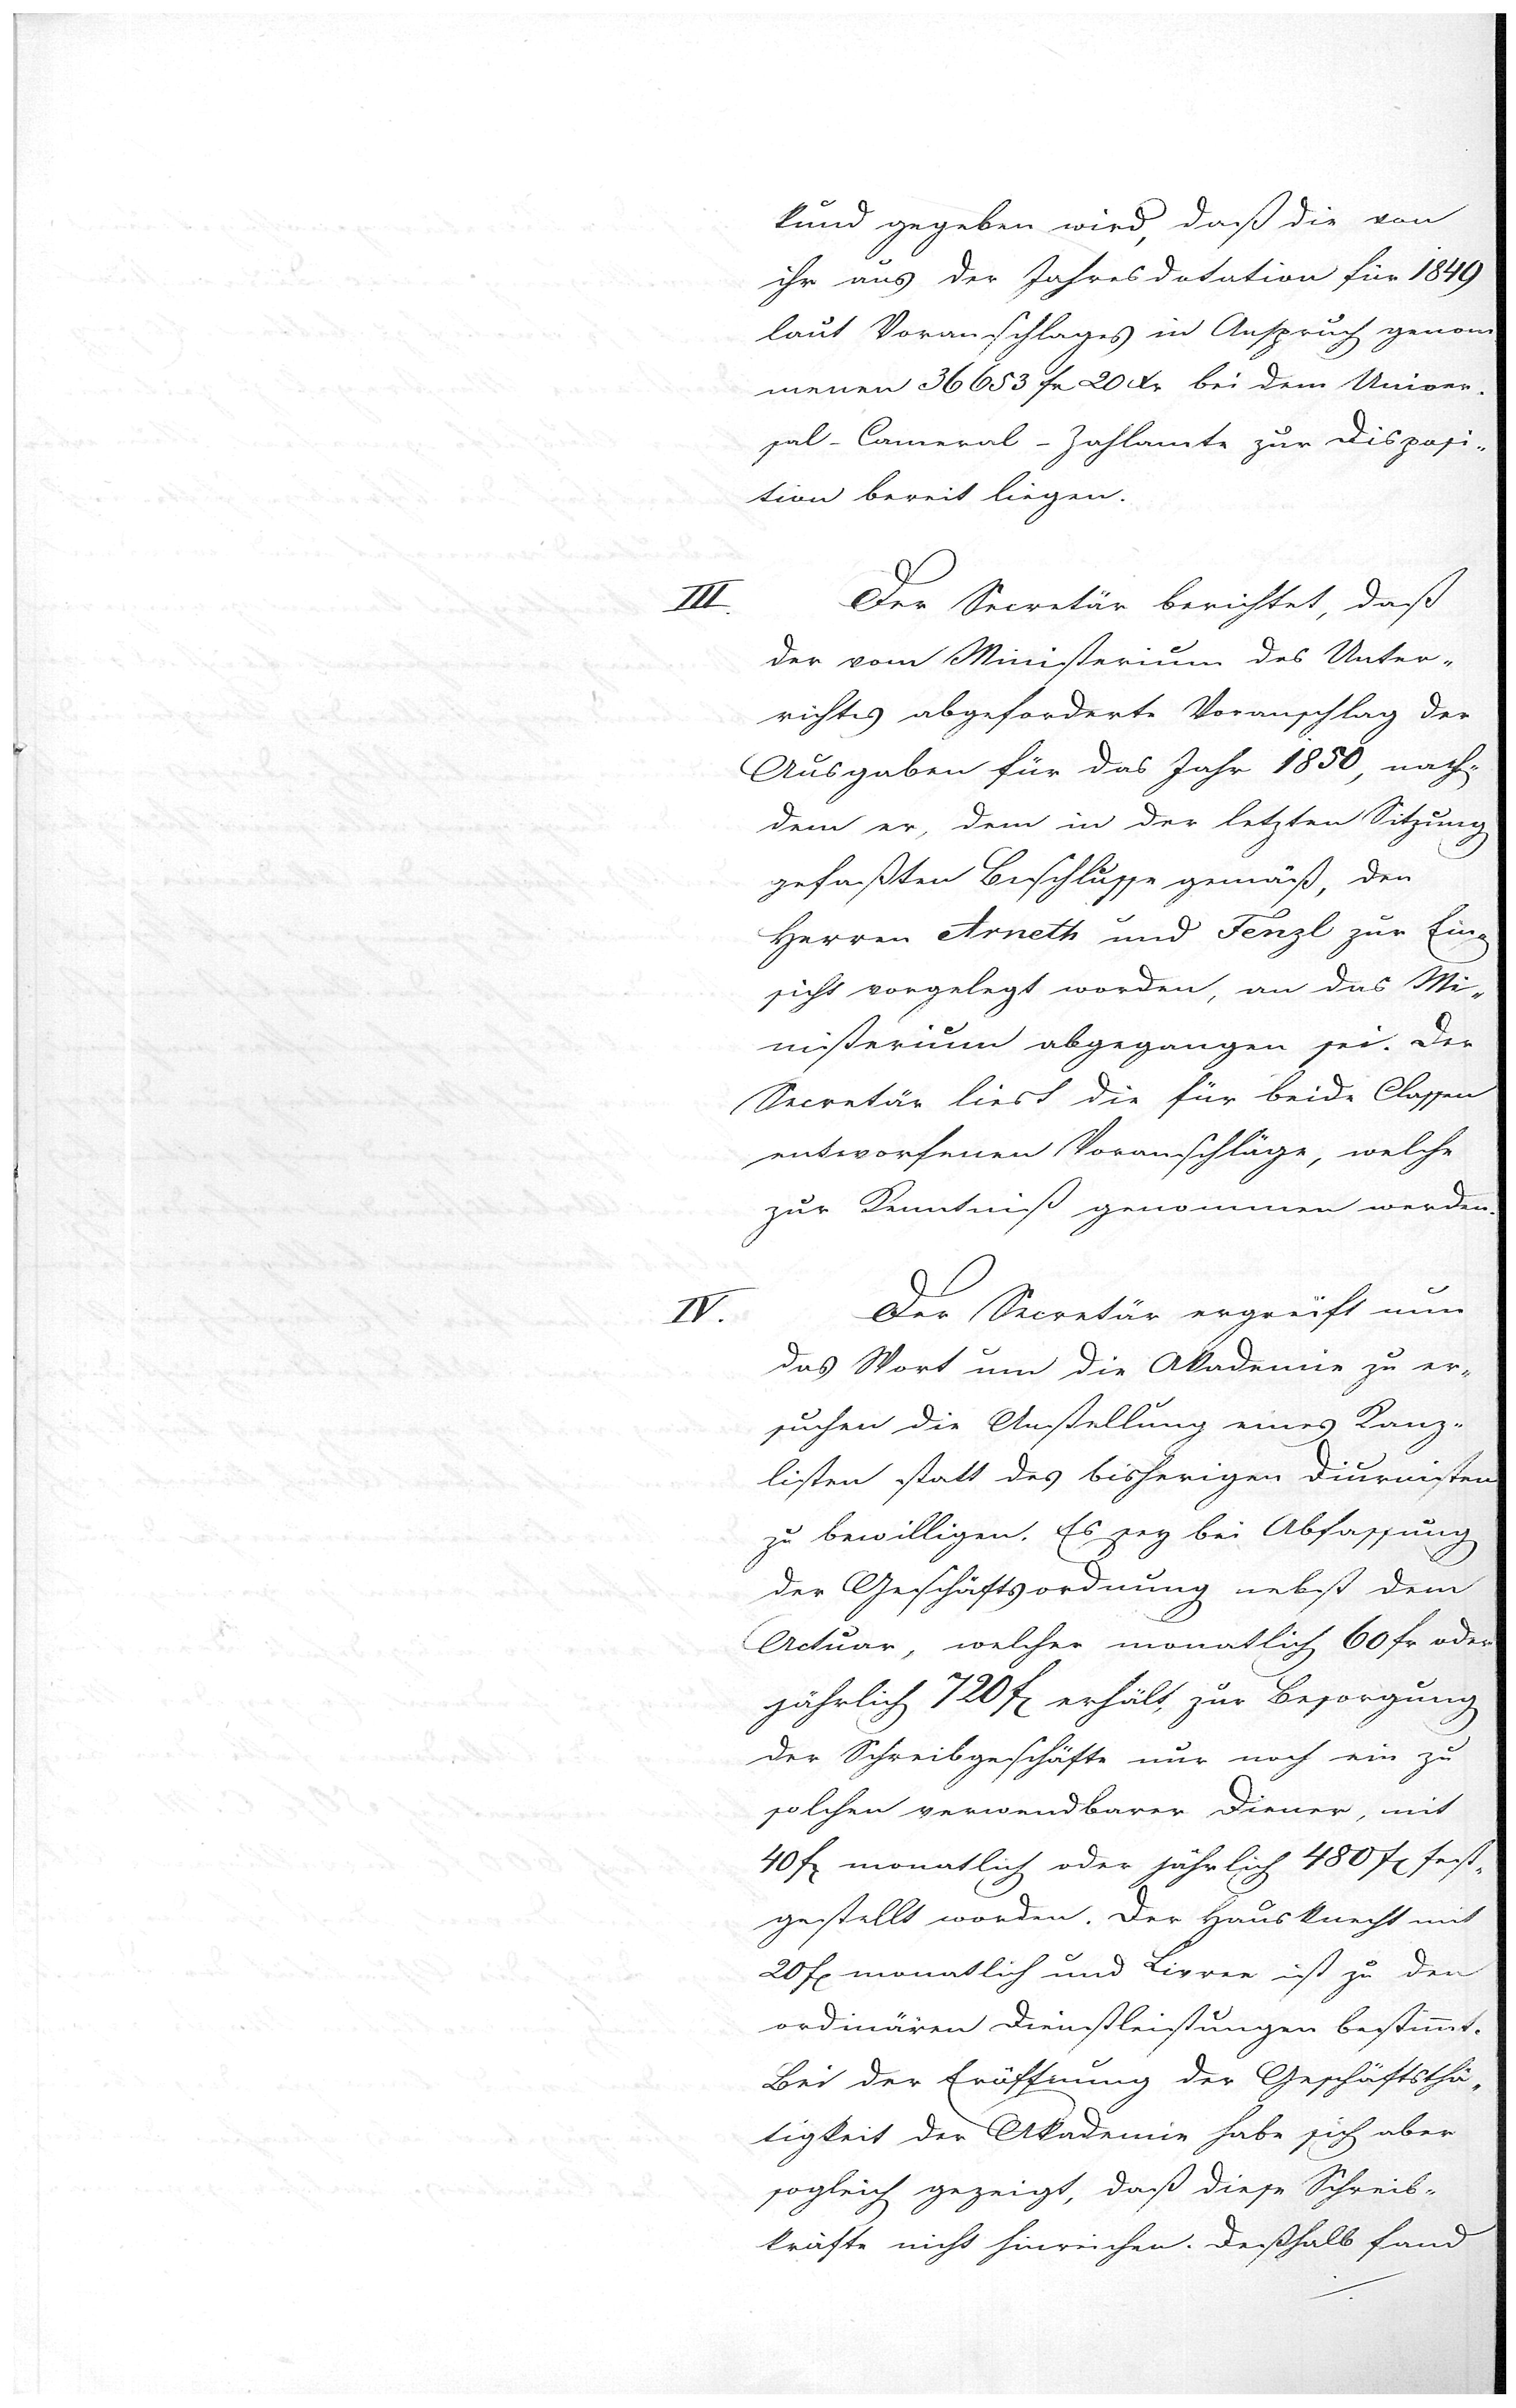kund gegeben wird, daß die von
ihr aus der Jahresdotation für 1849
laut Voranschlages in Anspruch genom-
menen 36653 fr 20 kr bei dem Univer-
sal-Cameral-Zahlamte zur Disposi-
tion bereit liegen.
Der Secretär berichtet, daß
der vom Ministerium des Unter-
richtes abgeforderte Voranschlag der
Ausgaben für das Jahr 1850, nach-
dem er, dem in der letzten Sitzung
gefaßten Beschlusse gemaß, den
Herren Arneth und Fenzl zur Ein-
sicht vorgelegt worden, an das Mi-
nisterium abgegangen sei. Der
Secretär liest die für beide Classen
entworfenen Voranschläge, welche
zur Kenntniß genommen werden.
III.
Die Secretär ergreift nun
das Wort um die Akademie zu er-
suchen die Anstellung eines Kanz-
listen statt des bisherigen Diurnisten
zu bewilligen. Es sey bei Abfassung
der Geschäftsordnung nebst dem
Actuar, welcher monatlich 60 fl oder
jährlich 720 fl erhält, zur Besorgung
der Schreibgeschäfte nur noch ein zu
solchen verwendbaren Diener, mit
40 fl monatlich oder jährlich 480 fl fest-
gestellt worden. Der Hausknecht mit
20 fl monatlich und Livree ist zu den
ordinären Dienstleistungen bestimmt.
Bei der Eröffnung der Geschäftsthä-
tigkeit der Akademie habe sich aber
sogleich gezeigt, daß diese Schreib-
kräfte nicht hinreichen. Deßhalb fand
III.